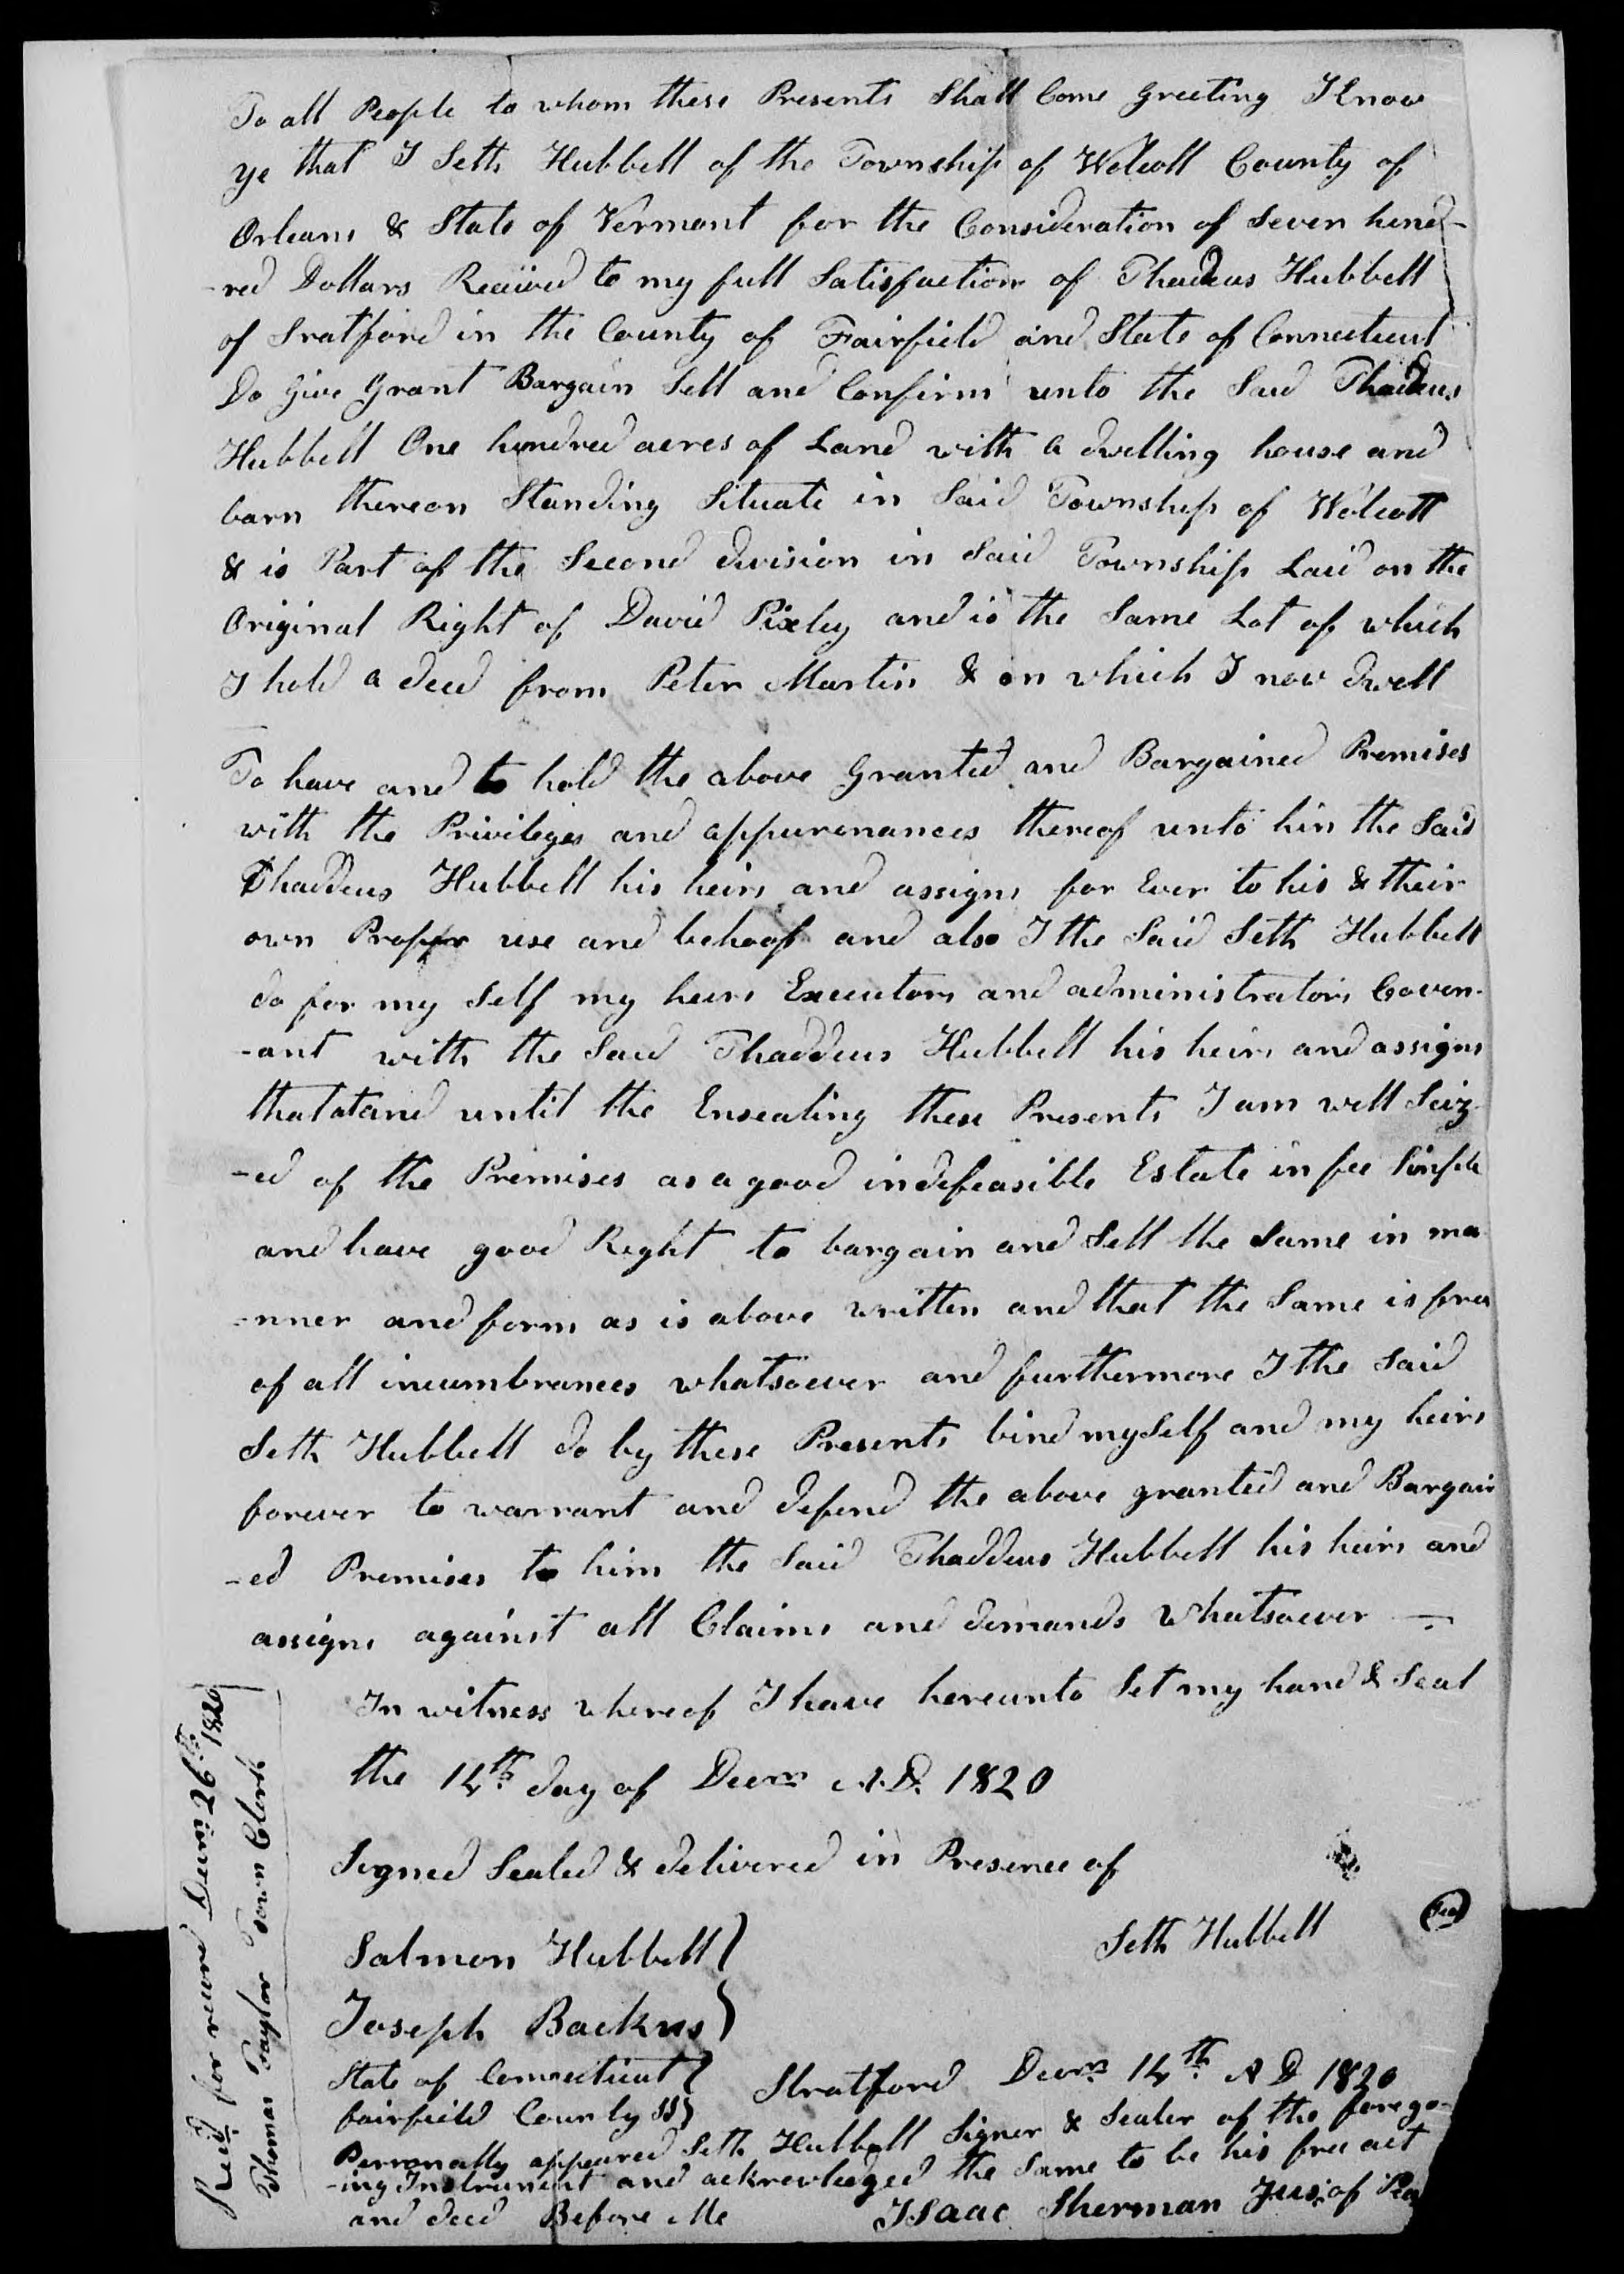To all People to whom these Present Shall come greeting Know ye that I Seth Hubbell of the Township of Wolcott County of Orleans & State of Vermont for the consideration of seven hundred Dollars Received to my full Satisfaction of Thaddeus Hubbell of Stratford in the County of Fairfield and State of Connecticut Do give Grant Bargain Sell and Confirm unto the Said Thaddeus Hubbell One Hundred acres of Land with a dwelling house and barn thereon Standing Situate in Said Township of Wolcott & is Part of the Second division in Said Township Law on the Original Right of David Pixley and is the Same Lot of which I hold a deed from Peter Martin & on which I now dwell To have and to hold the above Granted Bargained Premises with the Privileges and assunanances thereof unto him the Said Thaddeus Hubbell his heirs and assigns for Ever to his & their own proper use and behalf and also I the Said Seth Hubbell do for my Self and my heirs  Execution and administration Covenant with the Said Thaddeus Hubbell his heirs and assigns that at and until the Insealing these Present I am well Ized of the Premises as a good indefeasible Estate in fee simple and have good Right to bargain and Sell the Same in manner and from as is above written and that the Same is free of all encumbrances whatsoever and furthermore I the Said Seth Hubbell do by these Present, bind myself and my heirs forever to warrant and defend the above granted and Bargained Premises to him the Said Thaddeus Hubbell his heirs and assign against all Claims and demands whatsoever
In witness whereof I have here unto set my hand and Seal the 14th Day of Decm A.D 1820 Signed Sealed & delivered in Presence of Seth Hubbell
Salmon Hubbell
Joseph Backus
State of Connecticut
fairfield County US     Stratford Decm 14th A.D. 1820
Personally appeared Seth Hubbell Signer & Sealer of the foregoing Instrument and acknowledged the Same to be his free act and deed Before Me Issac Sherman Jus of Peace

Recd for record Decm 26th 1820
Thomas Taylor Town Clerk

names: Thadeus Hubbell, Joseph Backus, Thomas Taylor, Salmon Hubbell, Peter Martin, Seth Hubbell, David Pixley, Isaac Sherman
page: 79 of 114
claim: widow's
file: W. 2115, Seth Hubbell, Conn.